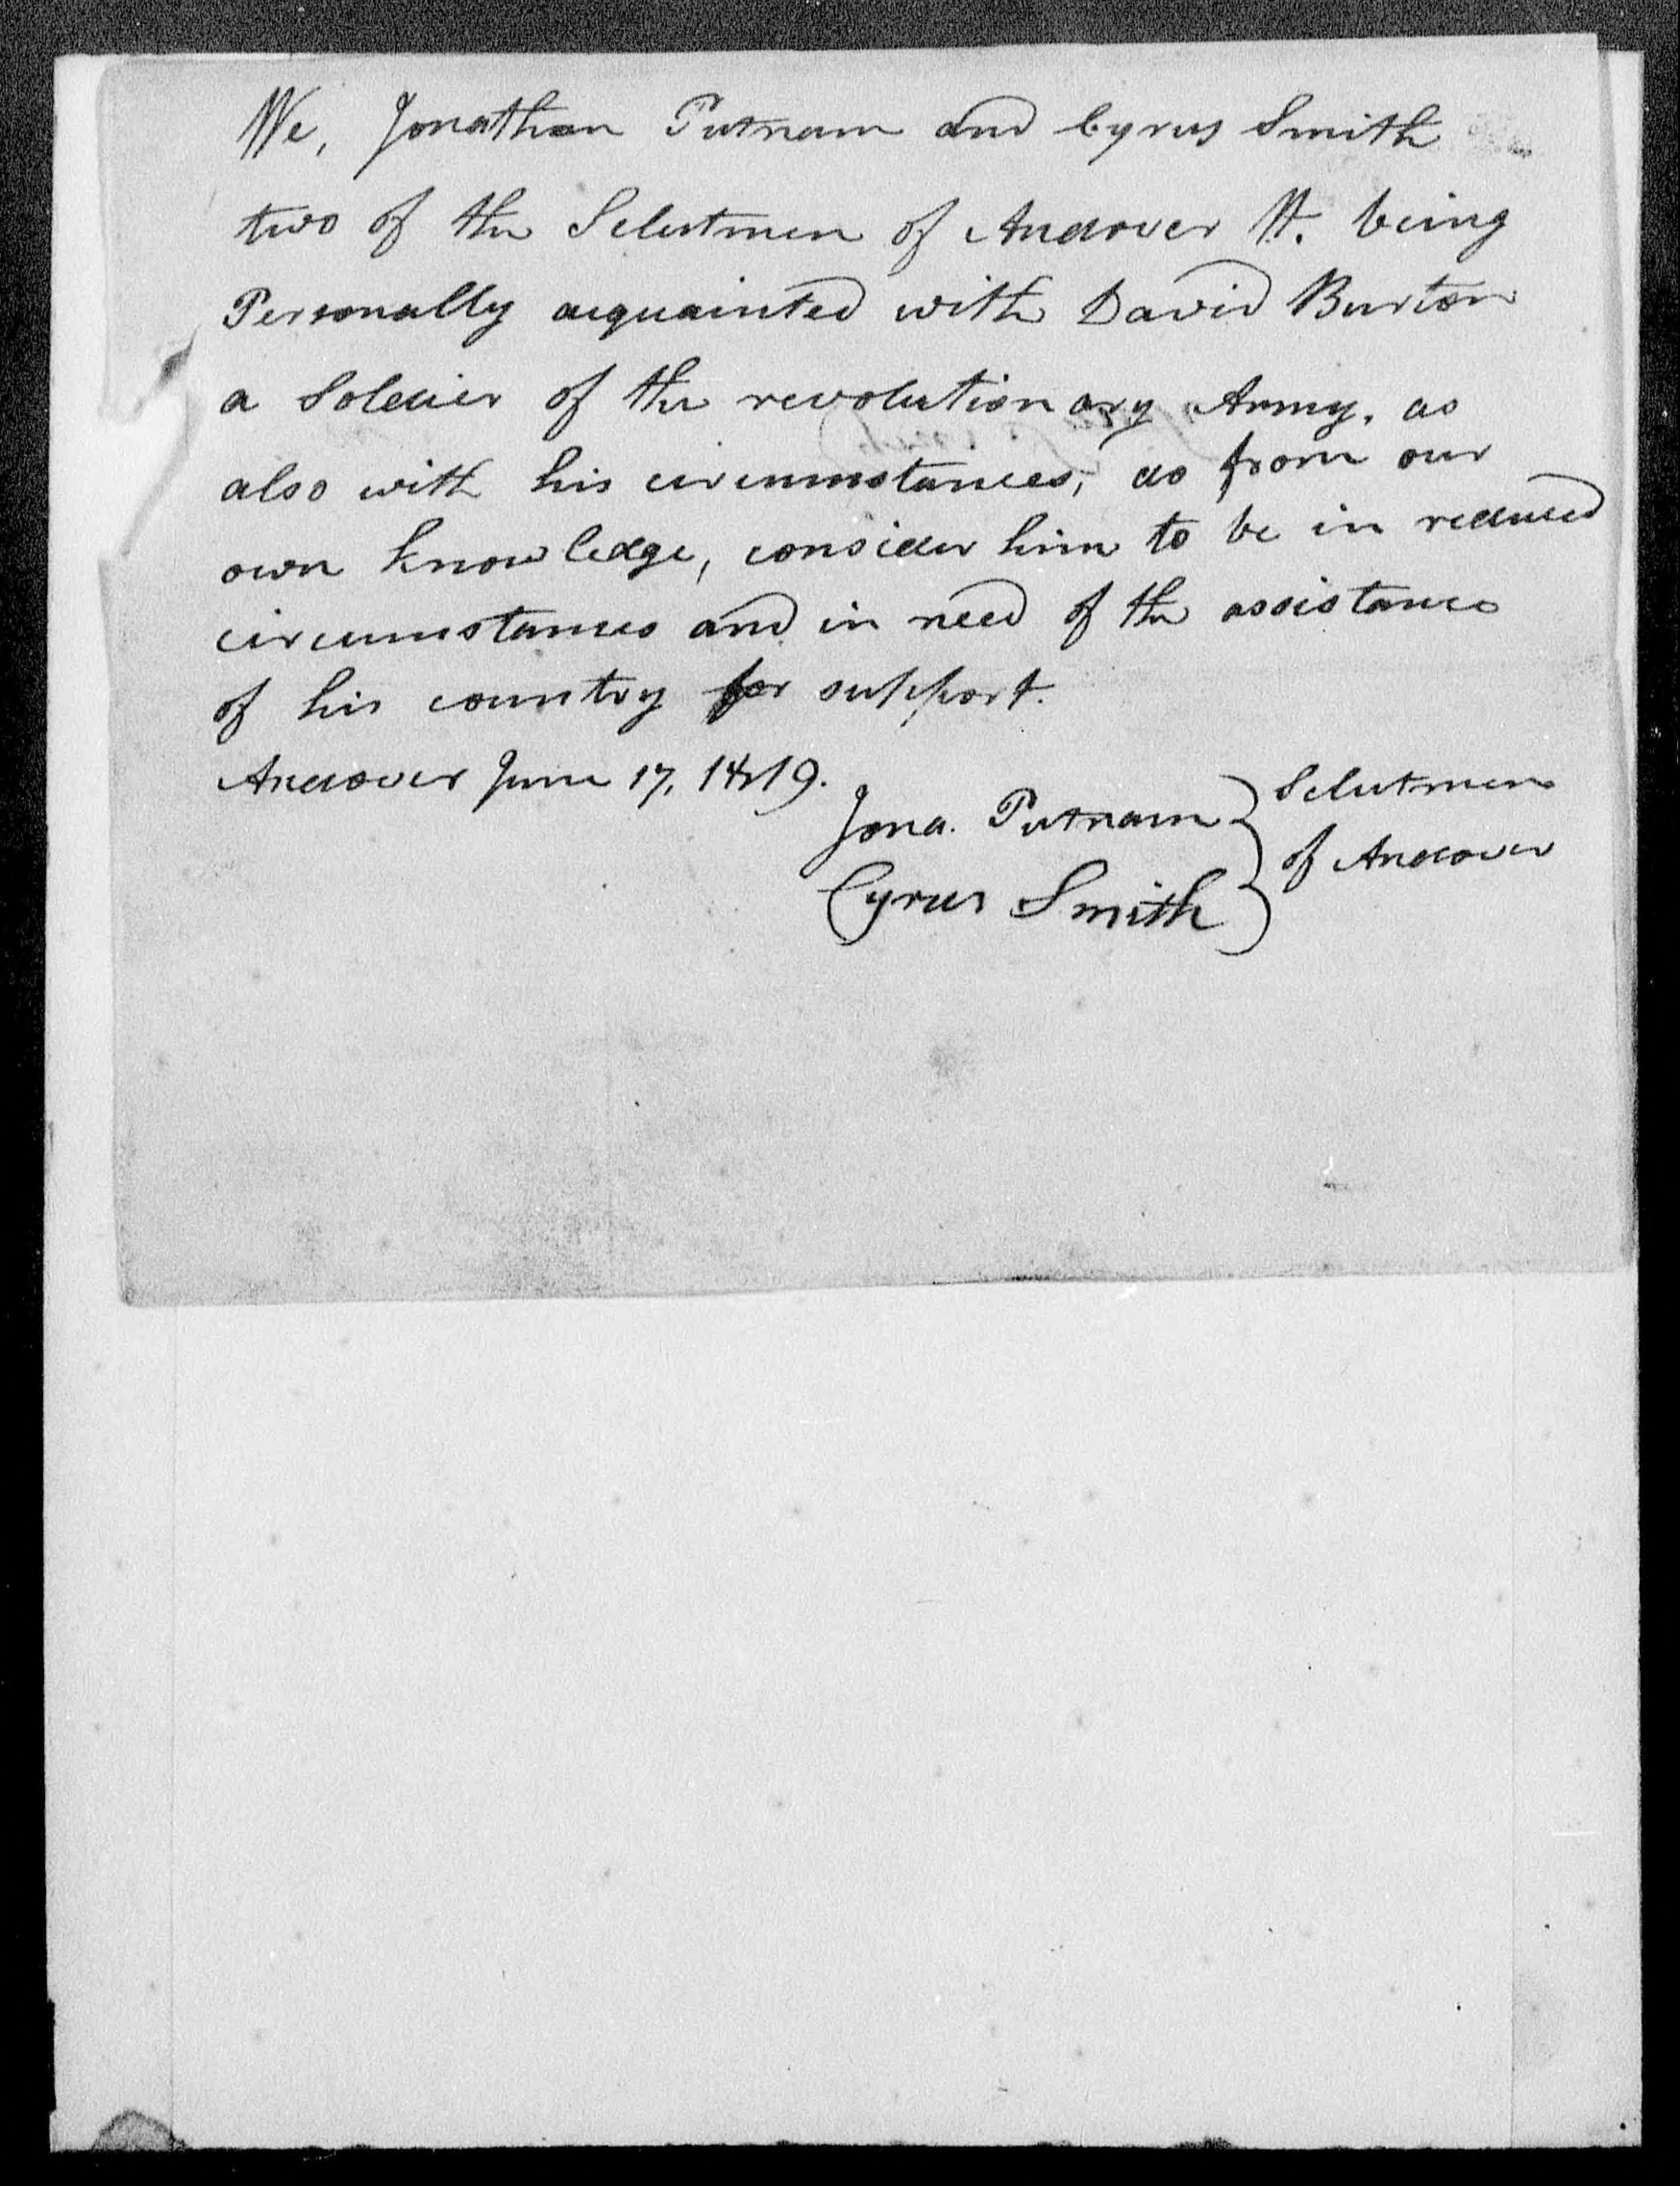We, Jonathan Putnam and Cyrus Smith two of the Selectmen of Andover NH being Personally acquainted with David Burton a soldier of the revolutionary Army, as also with his circumstances, do from our own knowledge, consider him to be in reduced circumstances and in need of the assistance of his country for support.
Andover June 17, 1819
[signed] Jonas Putnam [and] Cyrus Smith } Selectmen of Andover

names: Cyrus Smith, Jonathan Putnam, Jona Putnam, David Burton, Cyrus Smith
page: 16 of 18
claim: survivor's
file: S. 40773, David Burton, N.H.